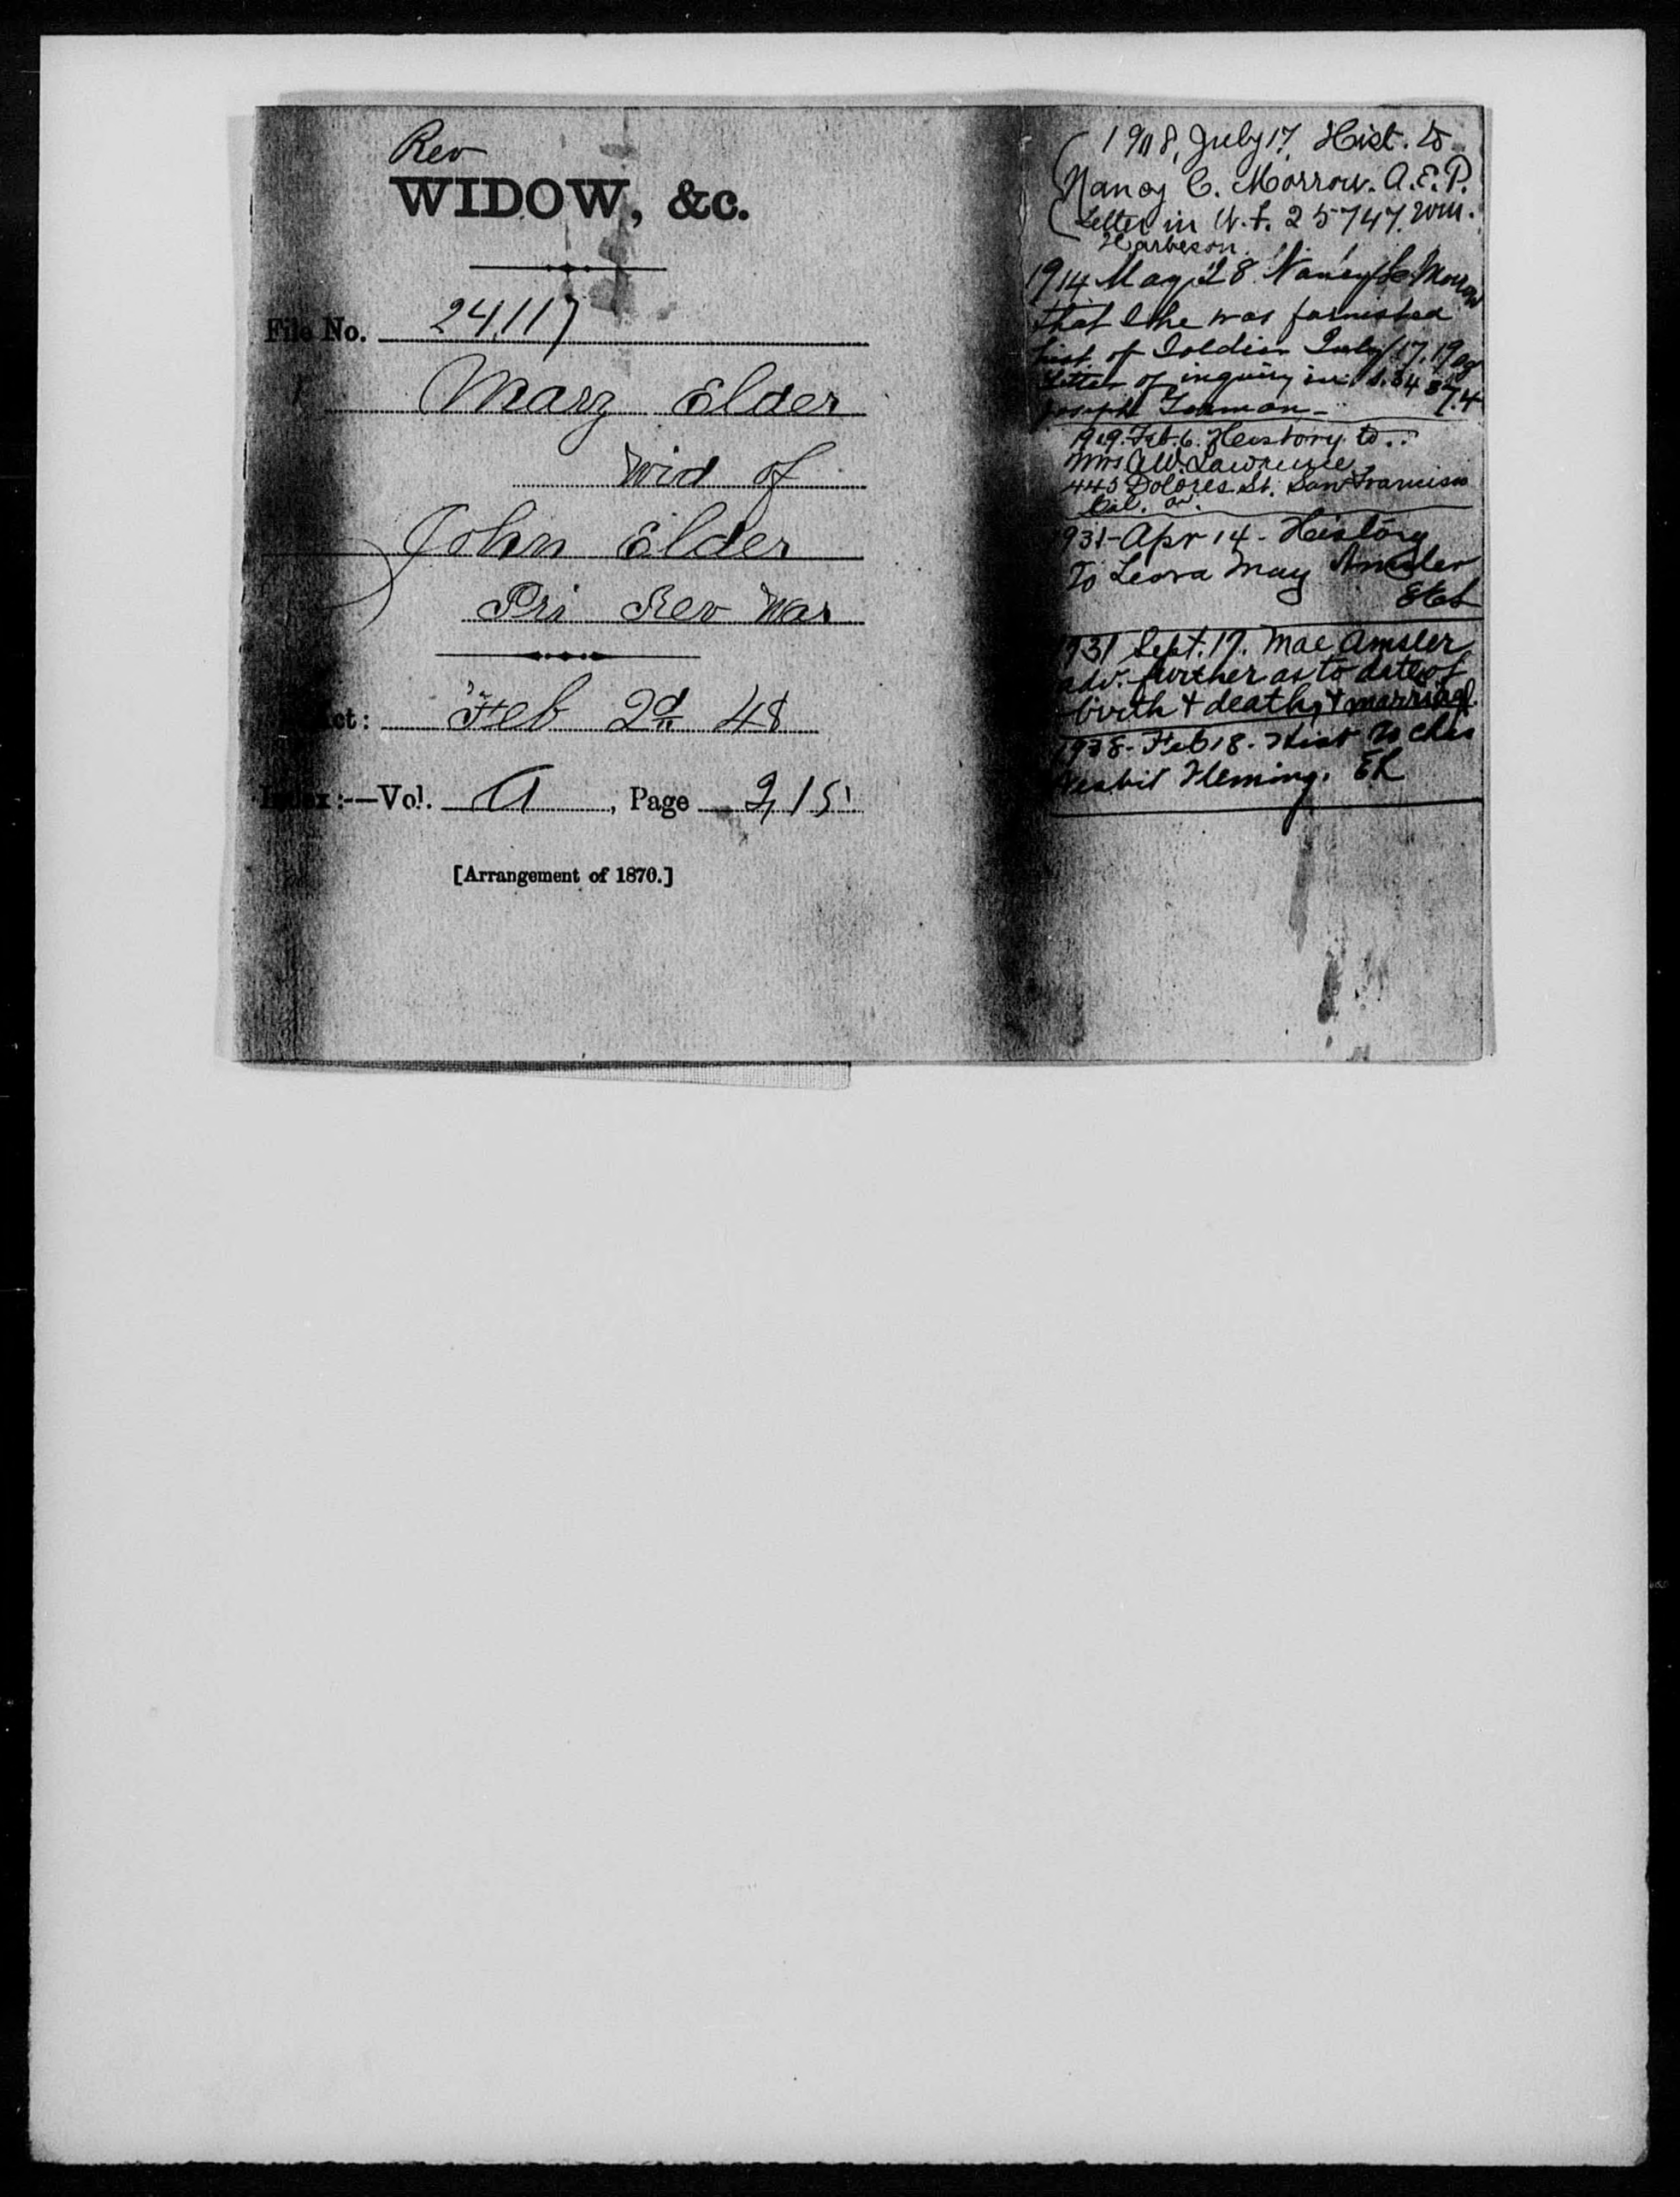Rev
WIDOW, &c.
24117
Vol.
Mary Elder
wid of
John Elder
---
Pri Rev War
●
Feb 2d 48
Vol A, Page 215
[Arrangement of 1870.}
1908, July 17 Hist. to
Nancy C. Morrow. A.E.P.
Letter in U.F. 25747. W
Harbeson
1914 May 28. [illegible]
that he was furnished
list of soldier July 17, 1908
letter of inquiry in S.3437.4
Joseph Todman-
1919 Feb. 6. History to
Mrs A W. Lawrence
445 Dolores St. San Francisco
931- Apr 14. History
to Leora May Amsler
1931 Sept. 17, Mae Amsler
adv. further as to date of
birth & death, & marriage
1938 Feb 18. Hist to
at Fleming, EL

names: Mae Amsler, John Elder, Leora May Amsler, Joseph Gorman, Chas Nesbit Fleming, Nancy C Morrow, Wm Harbeson, A W Lawrence, Nancy C Morrow, Mary Elder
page: 71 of 80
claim: widow's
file: W. 24117, John Elder, Penn.